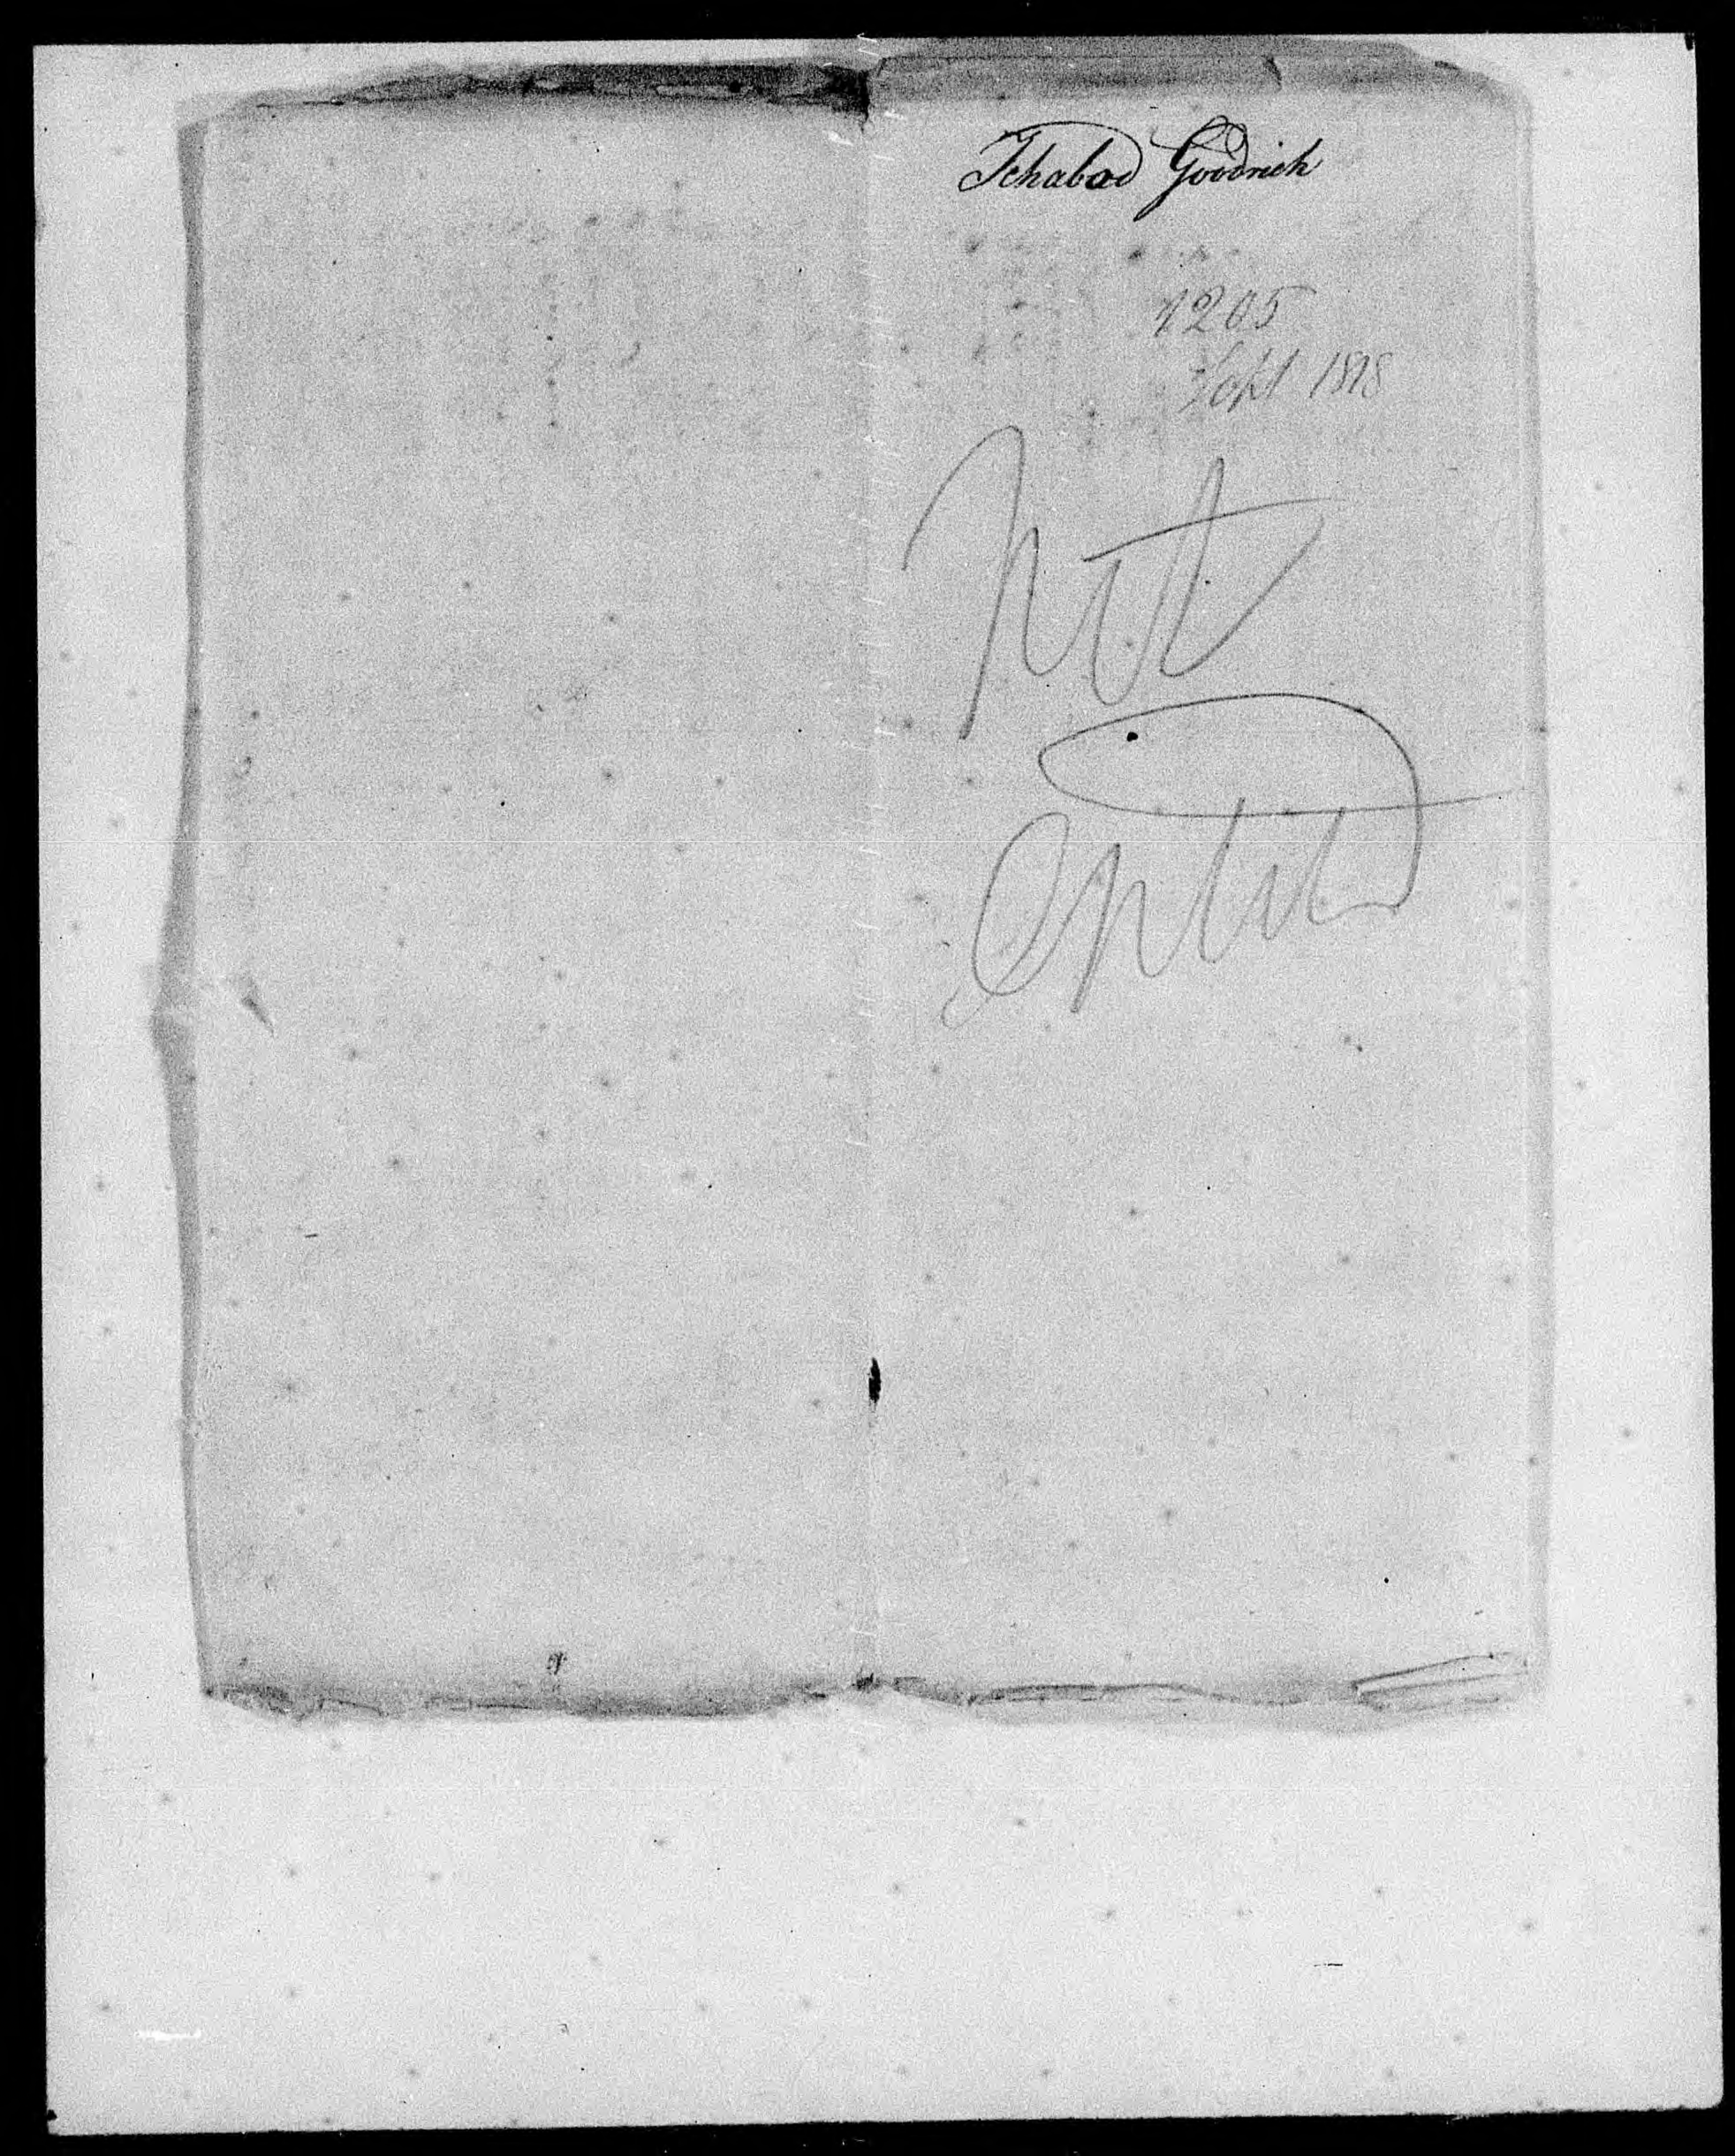Ichabod Goodrich
1205
Sept 1818

Not Entitled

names: Ichabod Goodrich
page: 6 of 46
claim: survivor's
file: S. 36,556, Ichabod Goodrich, Conn.